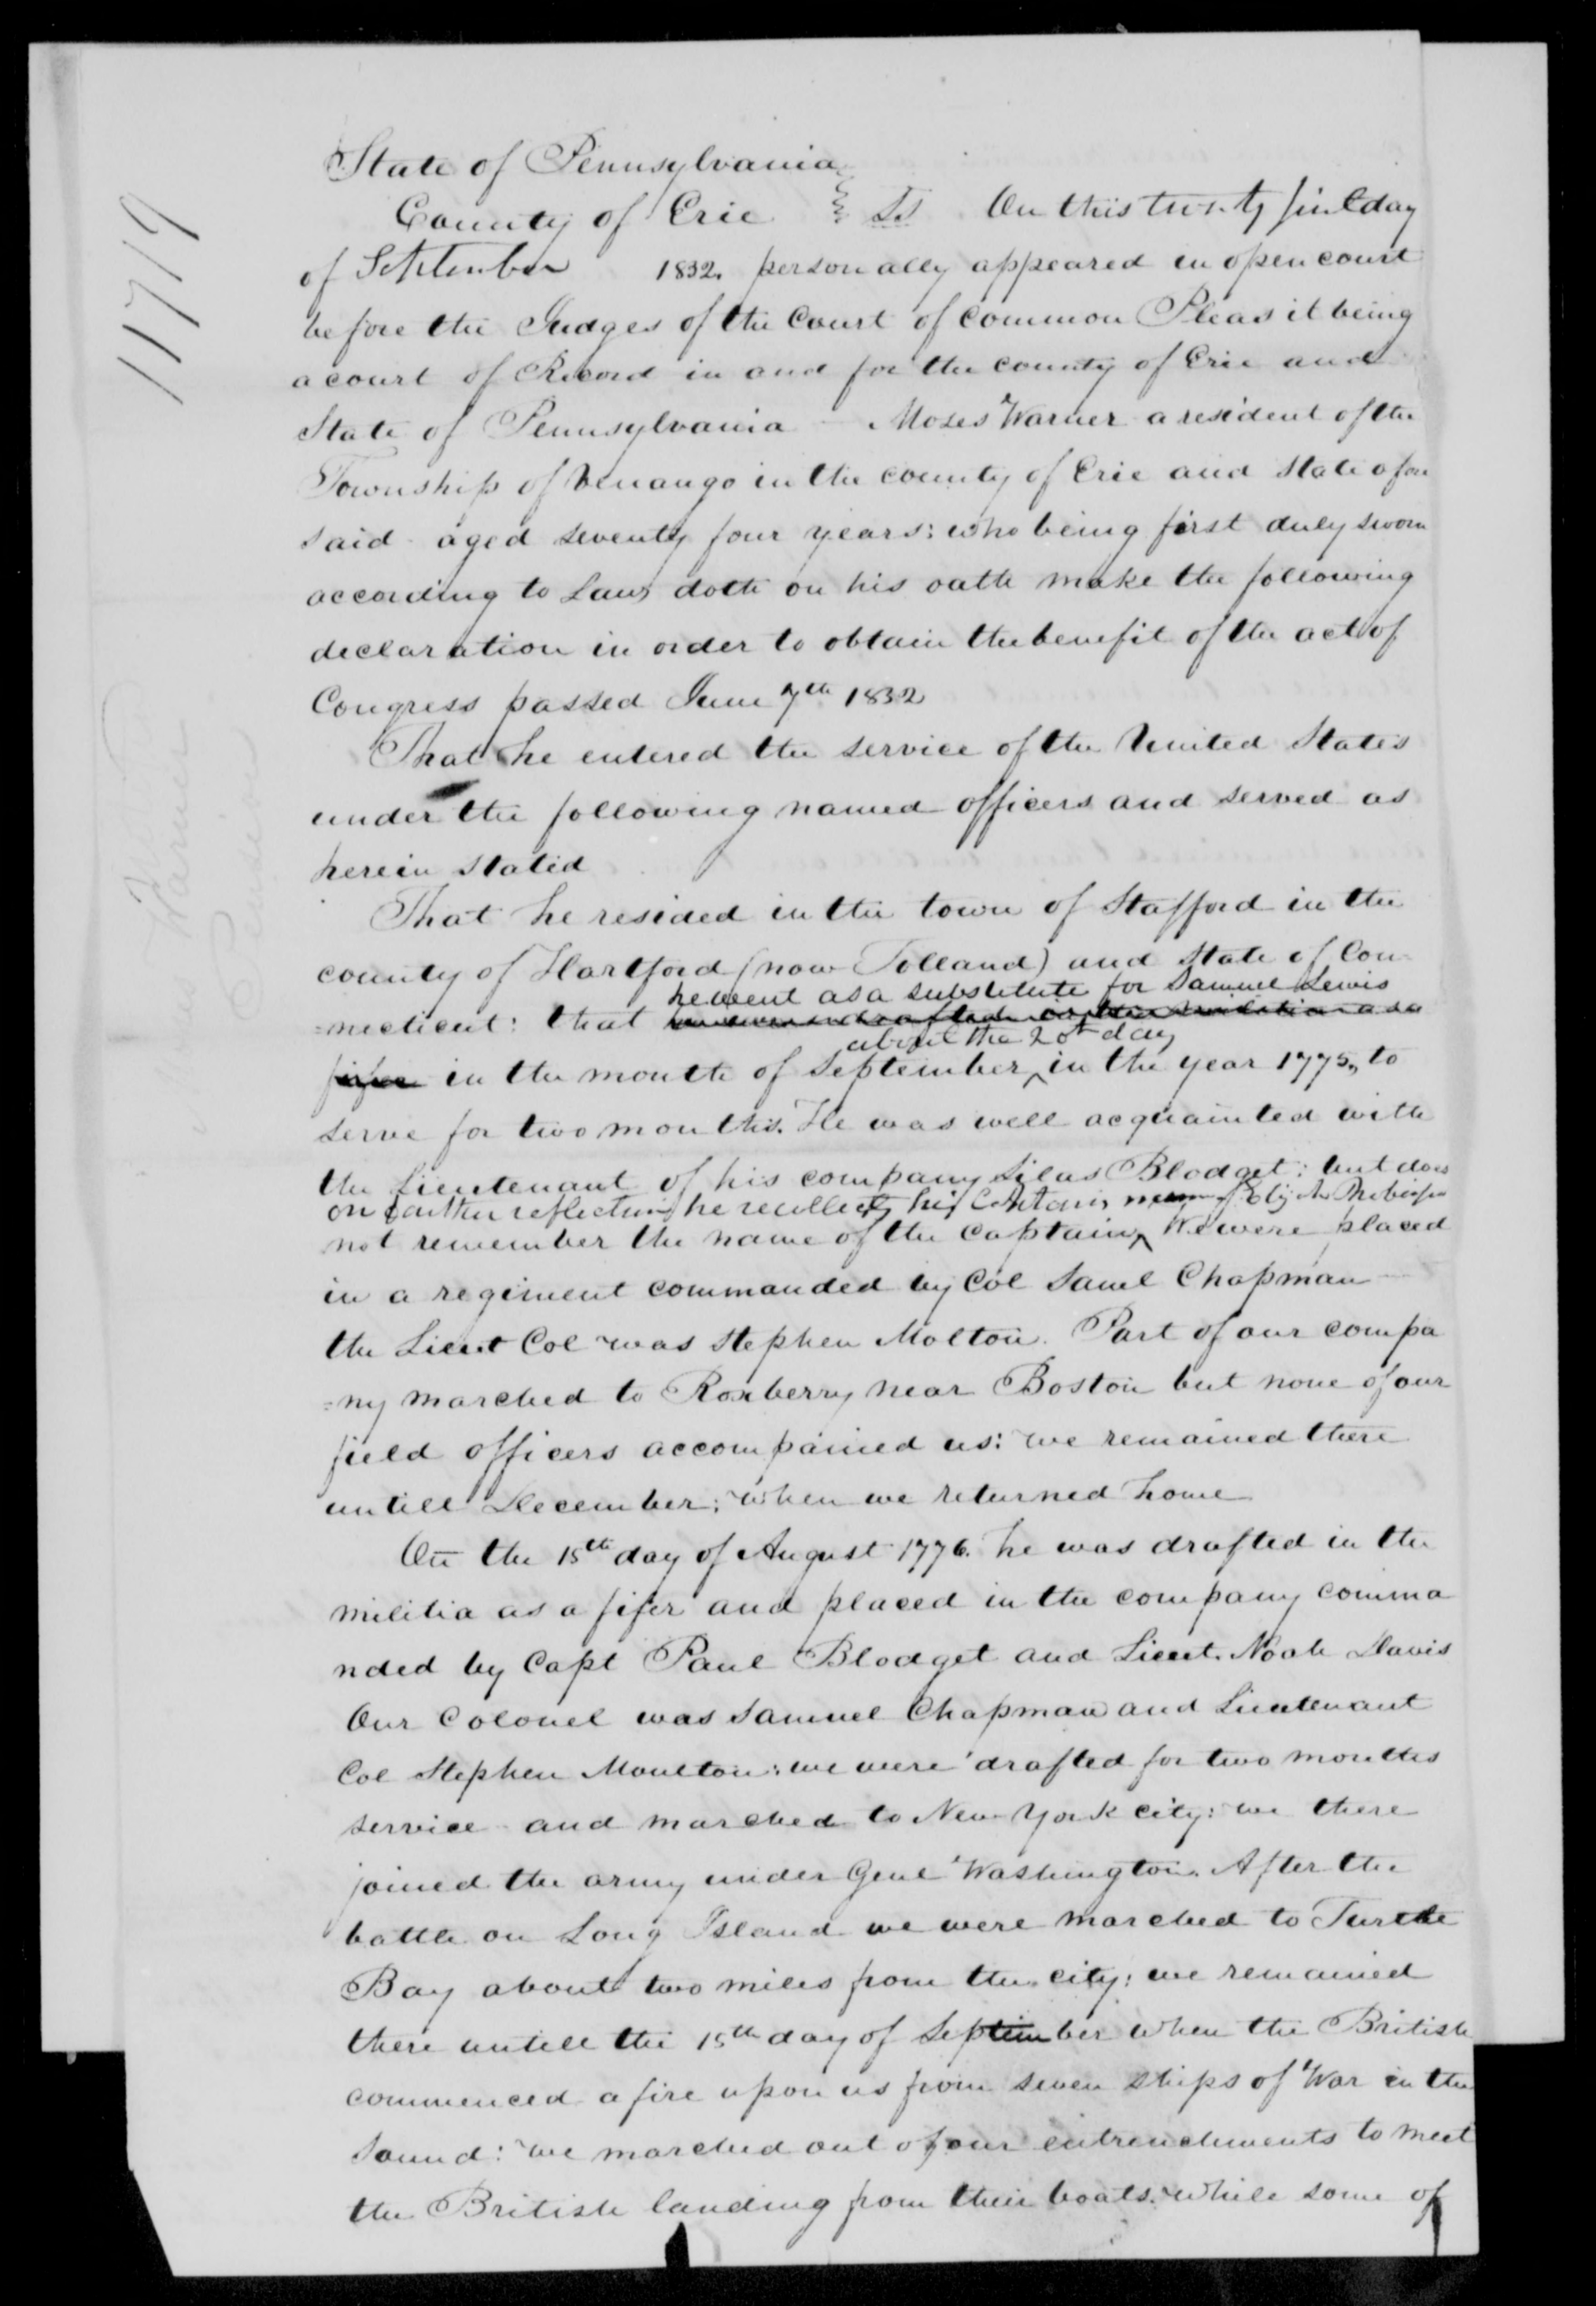11719
State of Pennsylvania}
County of Erie}SS   On this twenty first day
of September 1832 personally appeared in open court
before the Judges of the Court of Common Please it being
a court of Record in and for the county of Erie and
State of Pennsylvania- Moses Warner a resident of the
Township of Venango in the county of Erie and State afore
said aged seventy four years; who being first duly sworn
 according to Law doth on his oath make the following
declaration in order to obtain the benefit of the act of 
Congress passed June 7th 1832
That he entered the service of the United States 
under the following named officers and served as
herein stated
That he resided in the town of Stafford in the 
county of Hartford (now Tolland) and State of Con
necticut; that he went as a substitute for Samuel Lewis
in the month of September about the 20th day in the the year 1775, to
serve for two months. He was well acquainted with 
the Lieutenant of his company Silas Blodget: but does
not remember the name of the Captain 
on further reflection he recollects his Captain named Elijah Nebiefer.
We were placed
in a regiment commanded by Col. Samuel Chapman
the Lieut Col was Stephen Molton. Part of our compa
ny marched to Roxberry near Boston but none of our
field officers accompanied us; we remained there
untill December when we returned home
On the 15th day of August 1776 he was drafted in the 
militia as a fifer and placed in the company comma
nded by Capt Paul Blodget and Lieut Noah Davis
Our Colonel was Samuel Chapman and Lieutenant
Col Stephen Mouton, we were drafted for two months 
service and marched to New York City we there
joined the army under Genl Washington. After the
battle on Long Island we were marched to Turtle
Bay about two miles from the city; we remained
there untill the 15th day of September when the British
commenced a fire upon us from seven ships of War in the
Sound; we marched out of our entrenchments to meet
the British landing from their boats while some of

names: Moses Warner, Washington, Samuel Lewis, Samuel Chapman, Noah Davis, Paul Blodget, Silas Blodget, Stephen Moulton, Stephen Molton, Saml Chapman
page: 11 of 40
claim: widow's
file: W. 3742, Moses Warner, Conn.